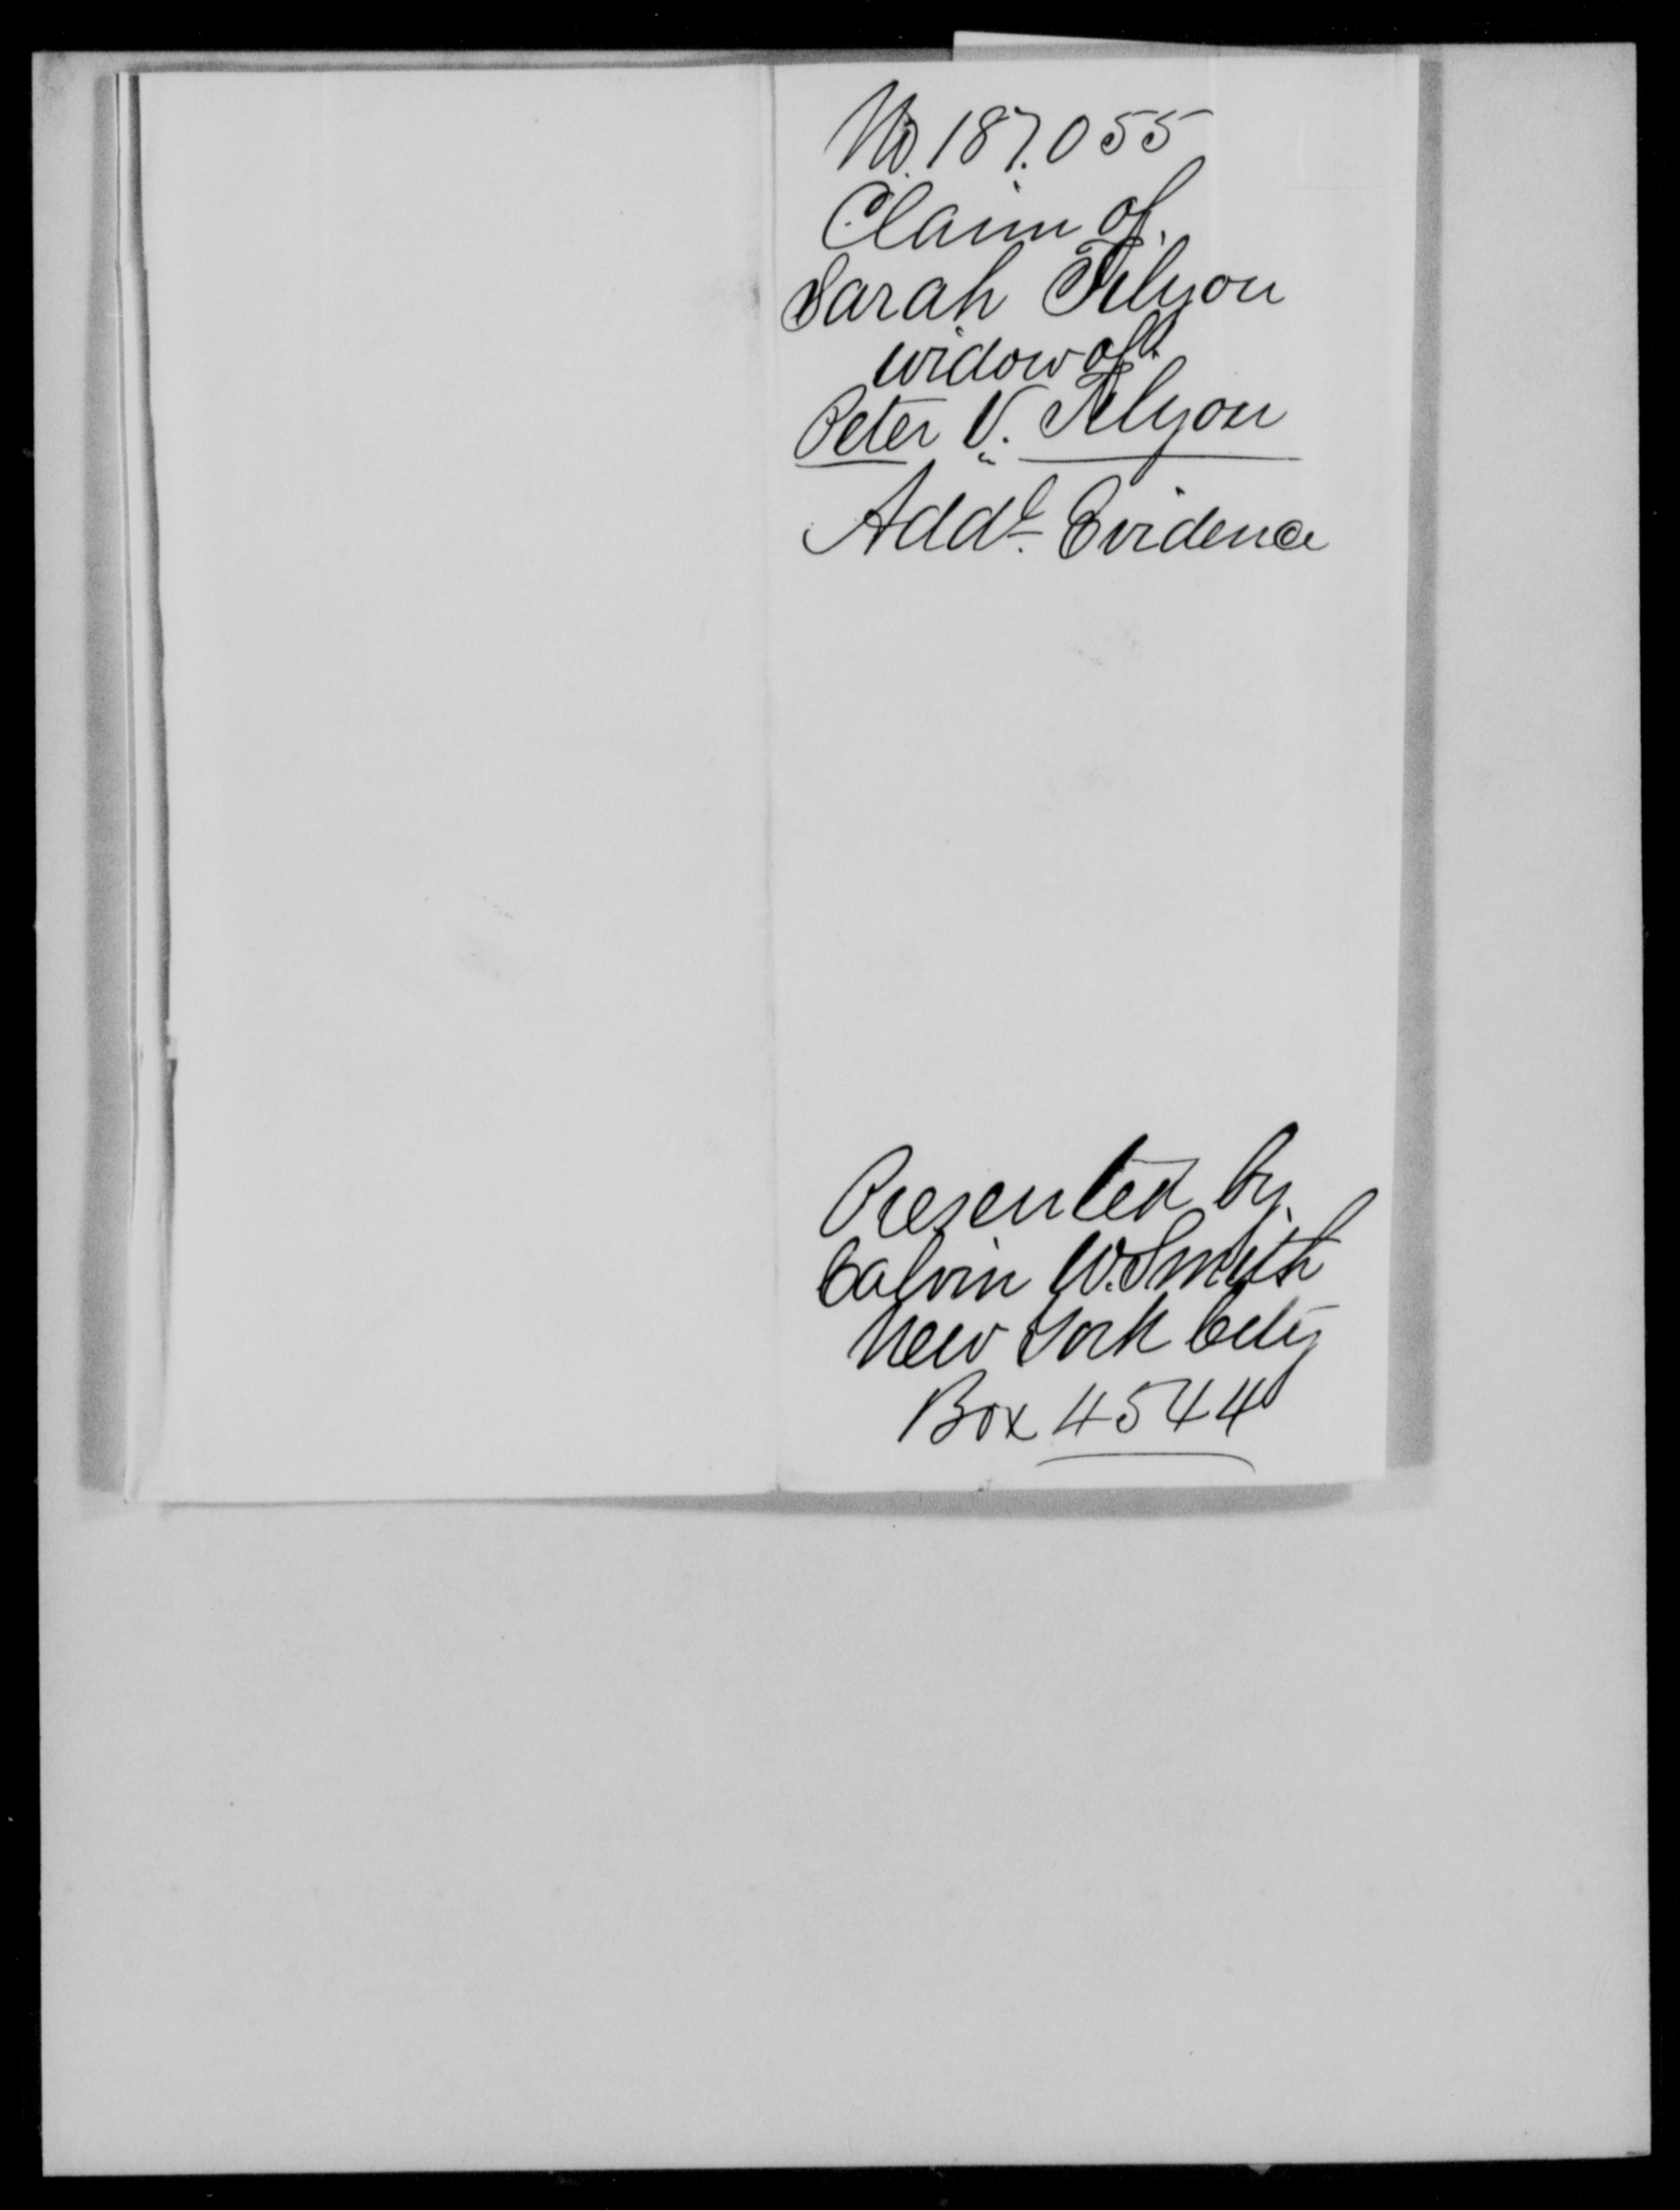No. 187.055
Claim of Sarah Tilyou
widow of
Peter V. Tilyou
Addl Evidence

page: 95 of 101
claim: widow's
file: W. 25481, for Peter V Tilyou, New Jersey